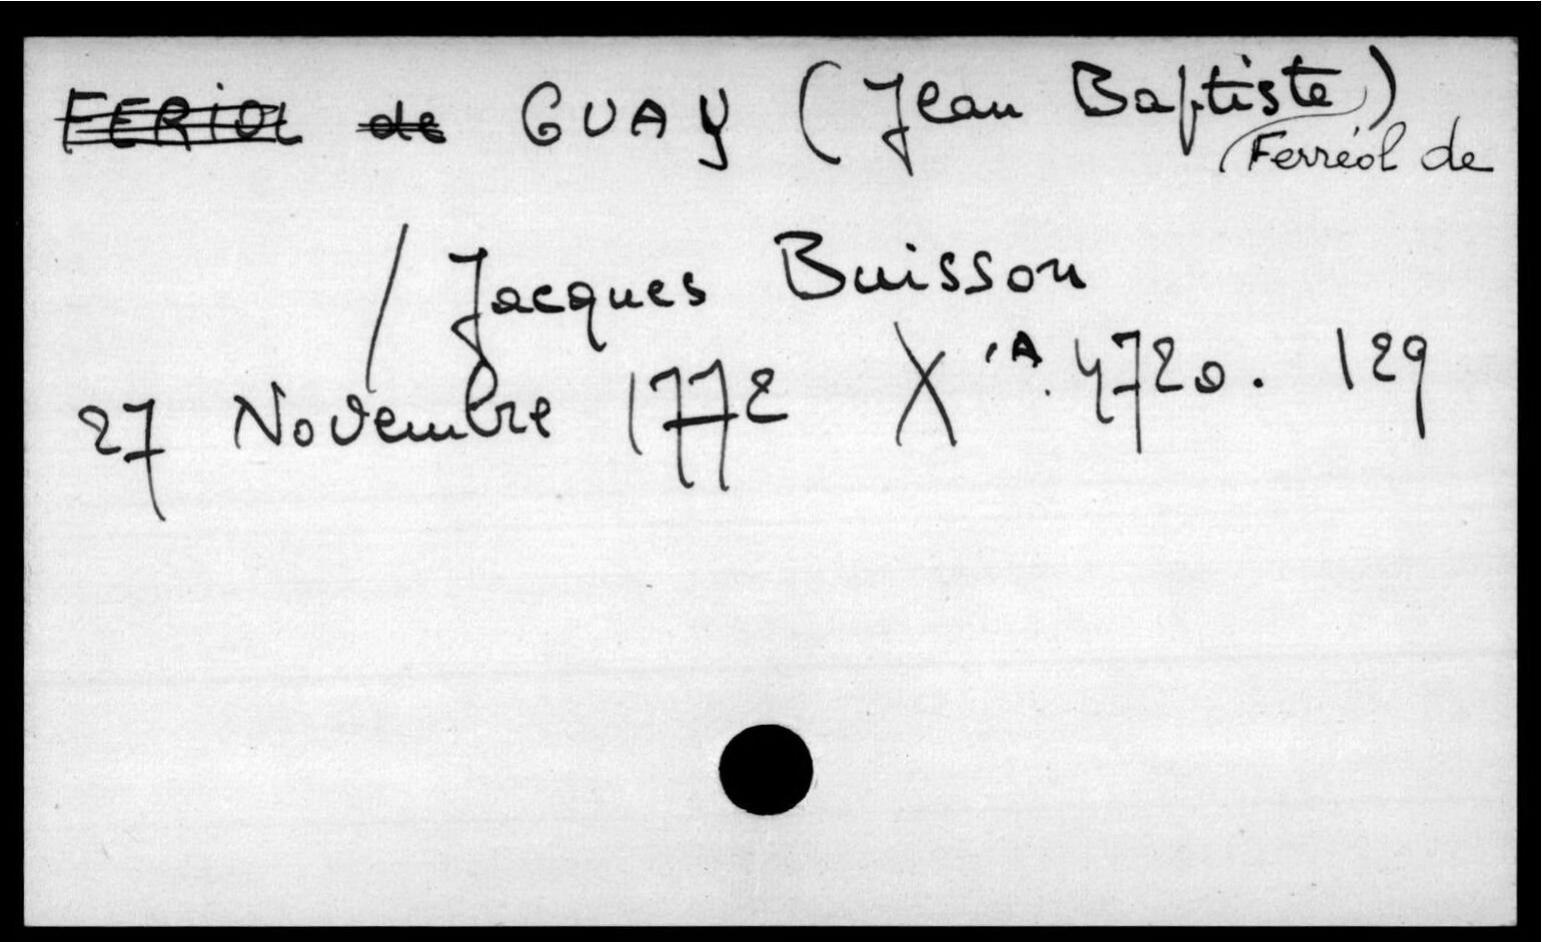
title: GUAY (Jean-Baptiste Ferréol de)
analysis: Contre Jacques Buisson
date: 27 novembre 1772
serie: X1A
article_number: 4720
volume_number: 129
